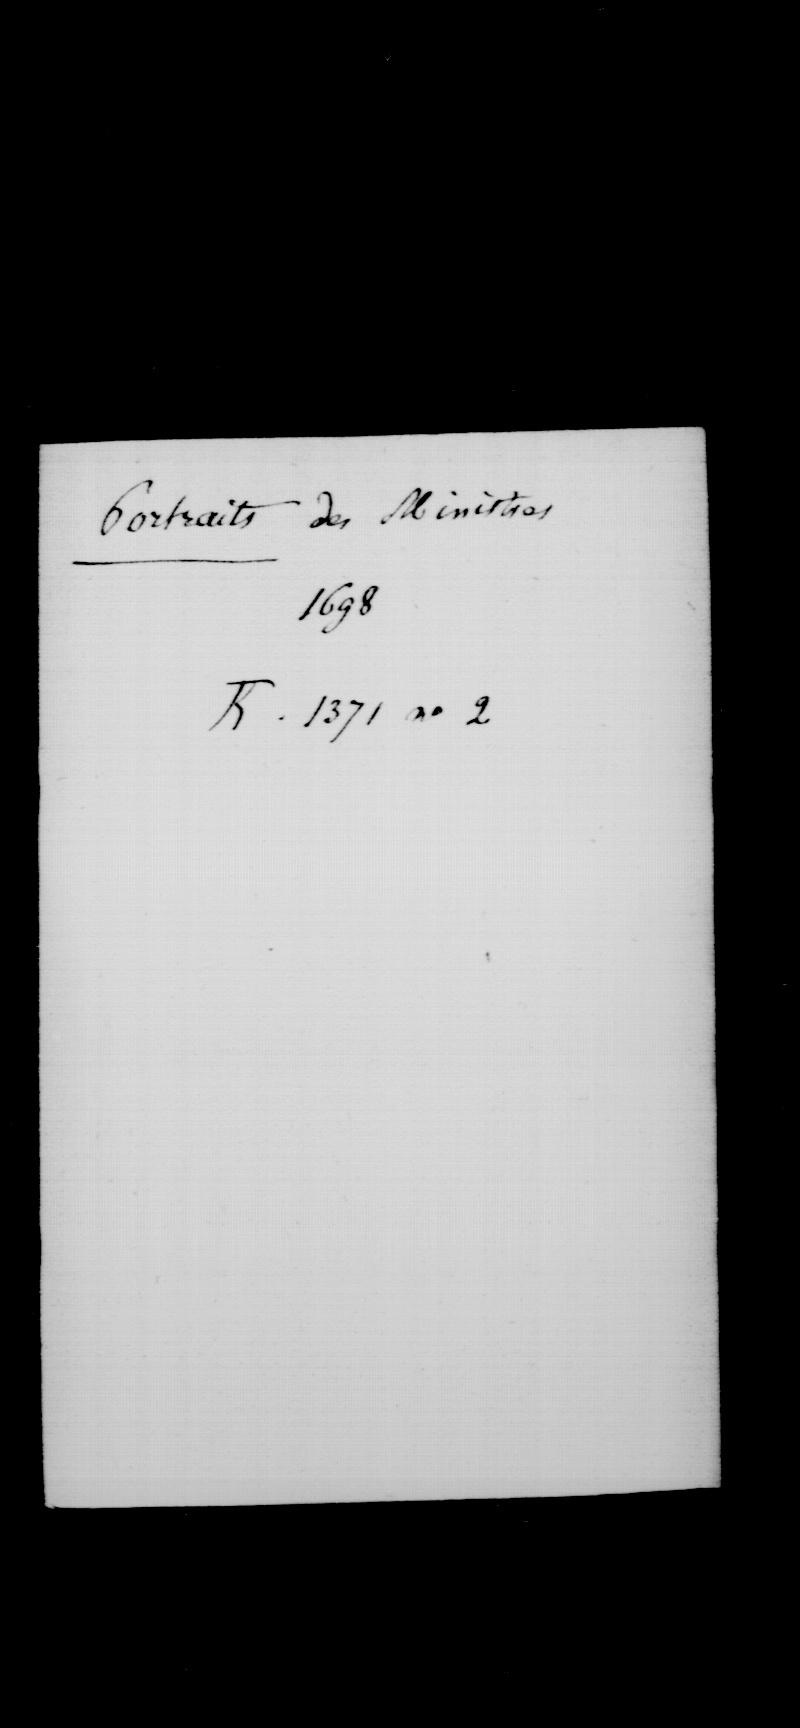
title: Portraits de Ministres
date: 1698
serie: K
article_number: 1371
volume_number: n° 2
